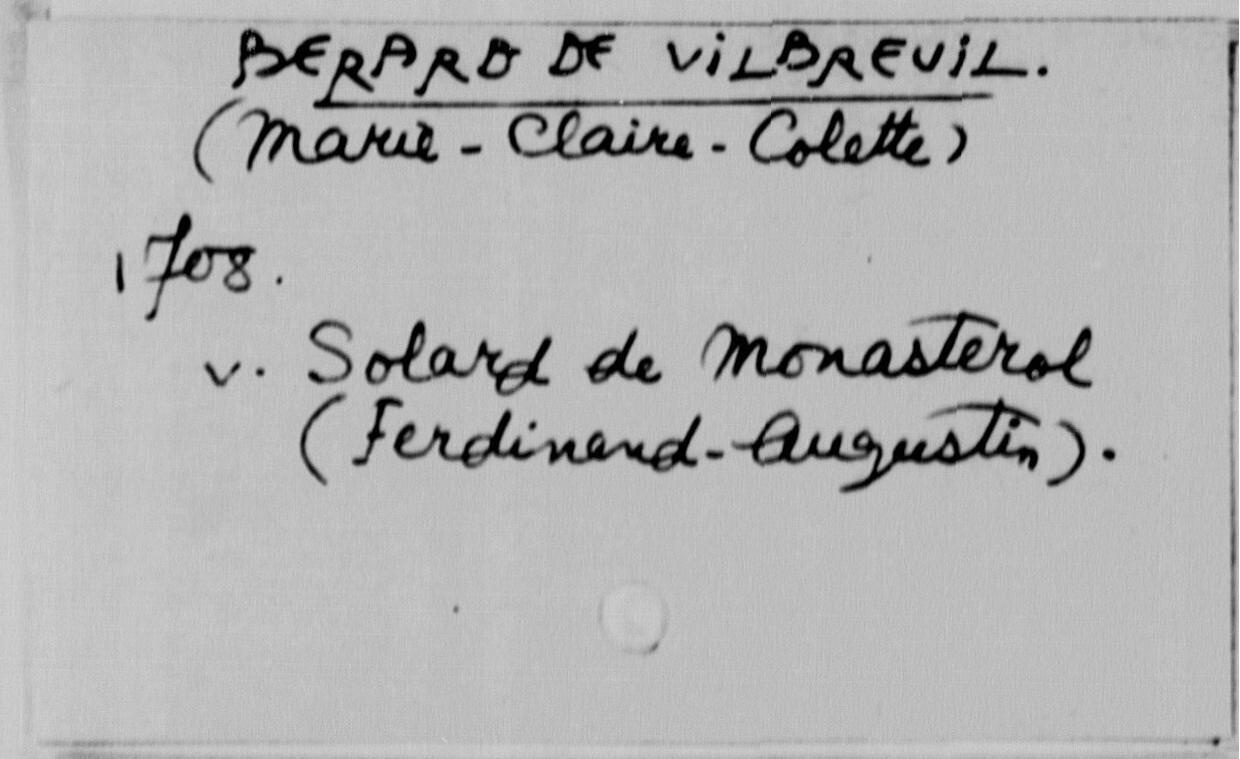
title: BERARD DE VILBREUIL(Marie-Claire-Colette)
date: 1708
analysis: Voir : SOLARD DE MONASTEROL (Ferdinand-Augustin)
